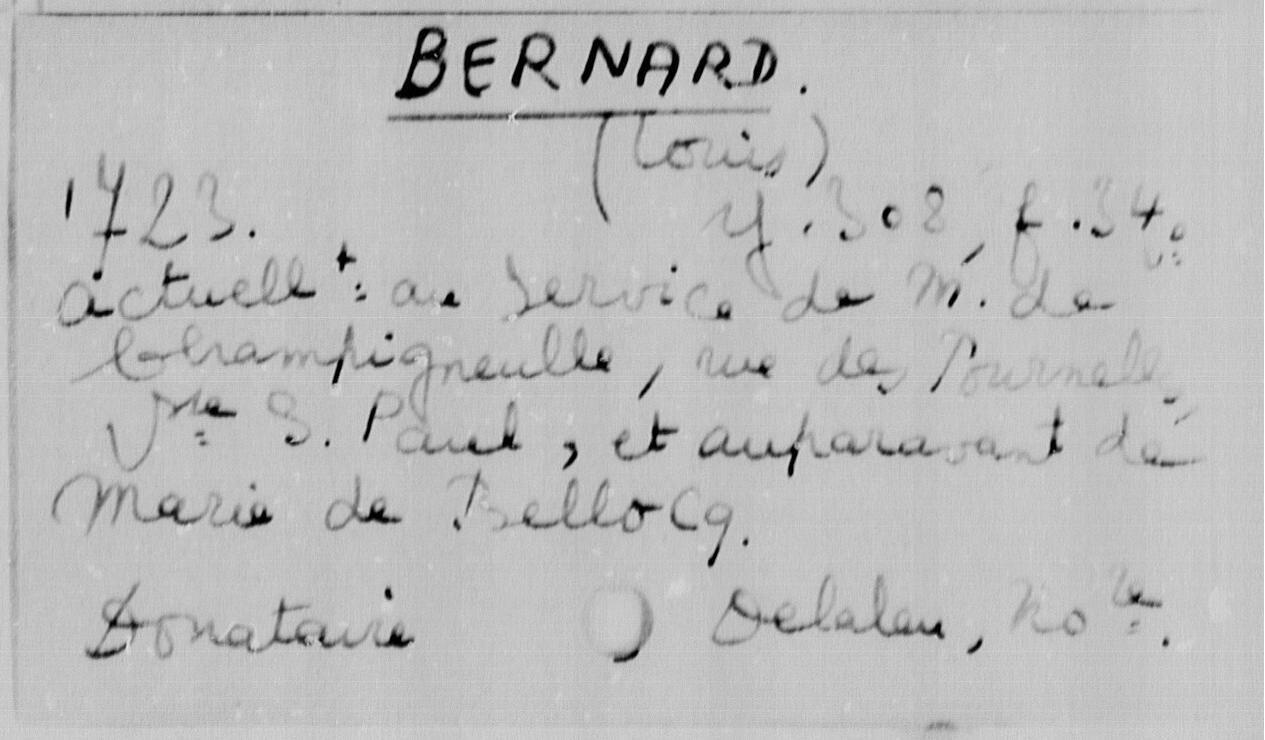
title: BERNARD (Louis)
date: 1723
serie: Y
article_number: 302
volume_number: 34v
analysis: Actuellement au Service de monsieur de Champigneulle, rue des Tournelles, paroisse Saint-Paul, et auparavant du Marie de Bellocq. Donataire. Delaleu, notaire.
